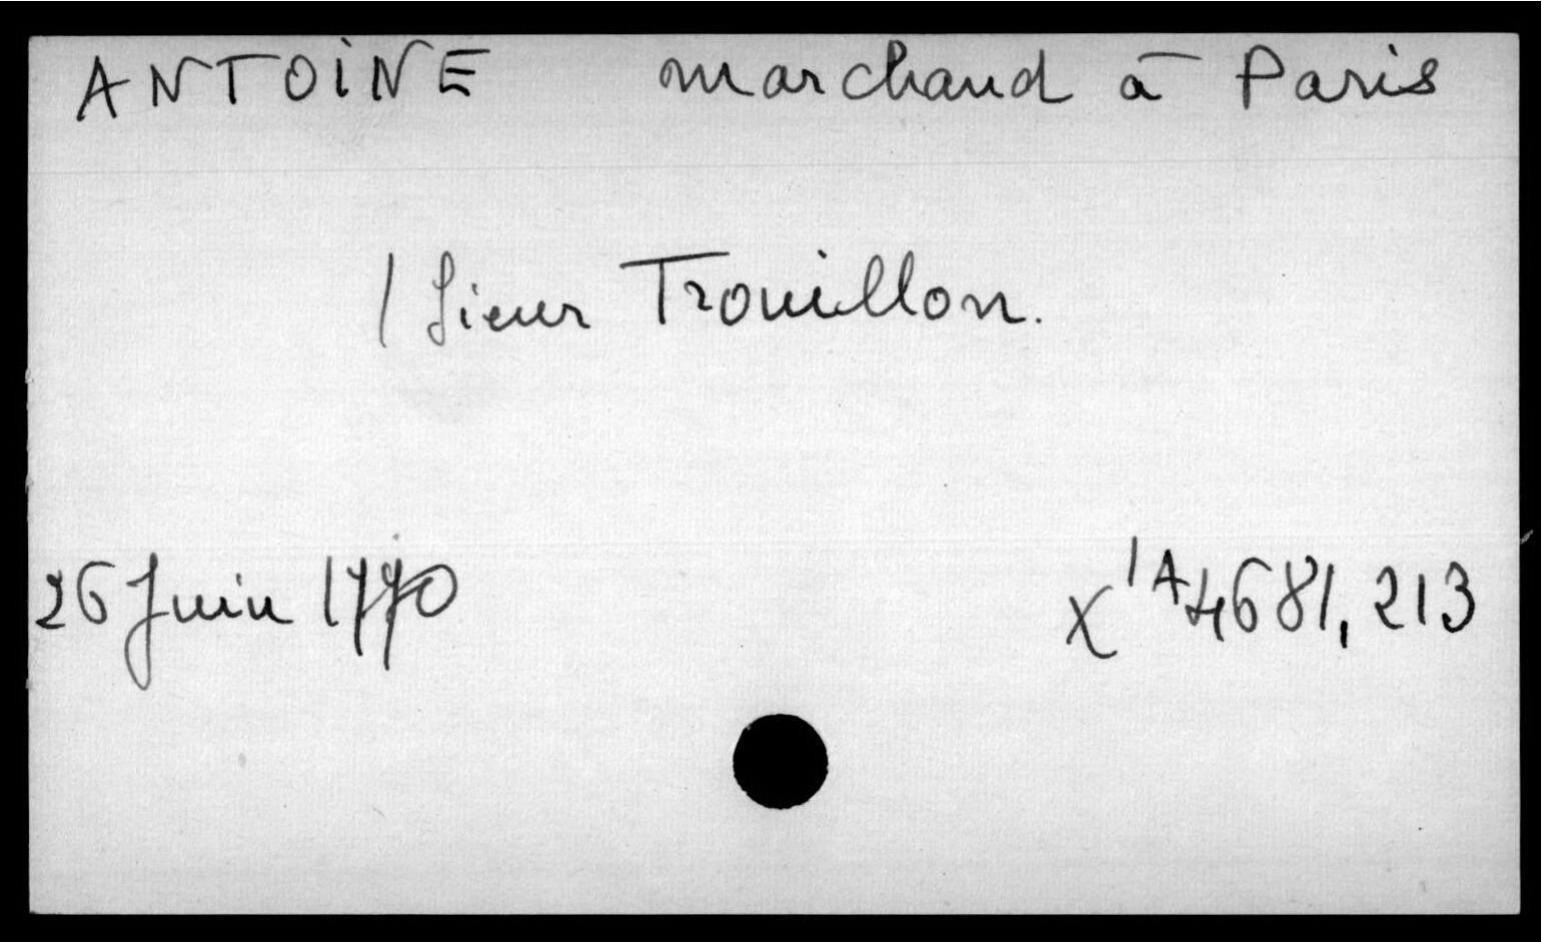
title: ANTOINE marchand à Paris
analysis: Contre Sieur Trouillon
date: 26 juin 1770
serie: X1A
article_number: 4681
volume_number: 213
